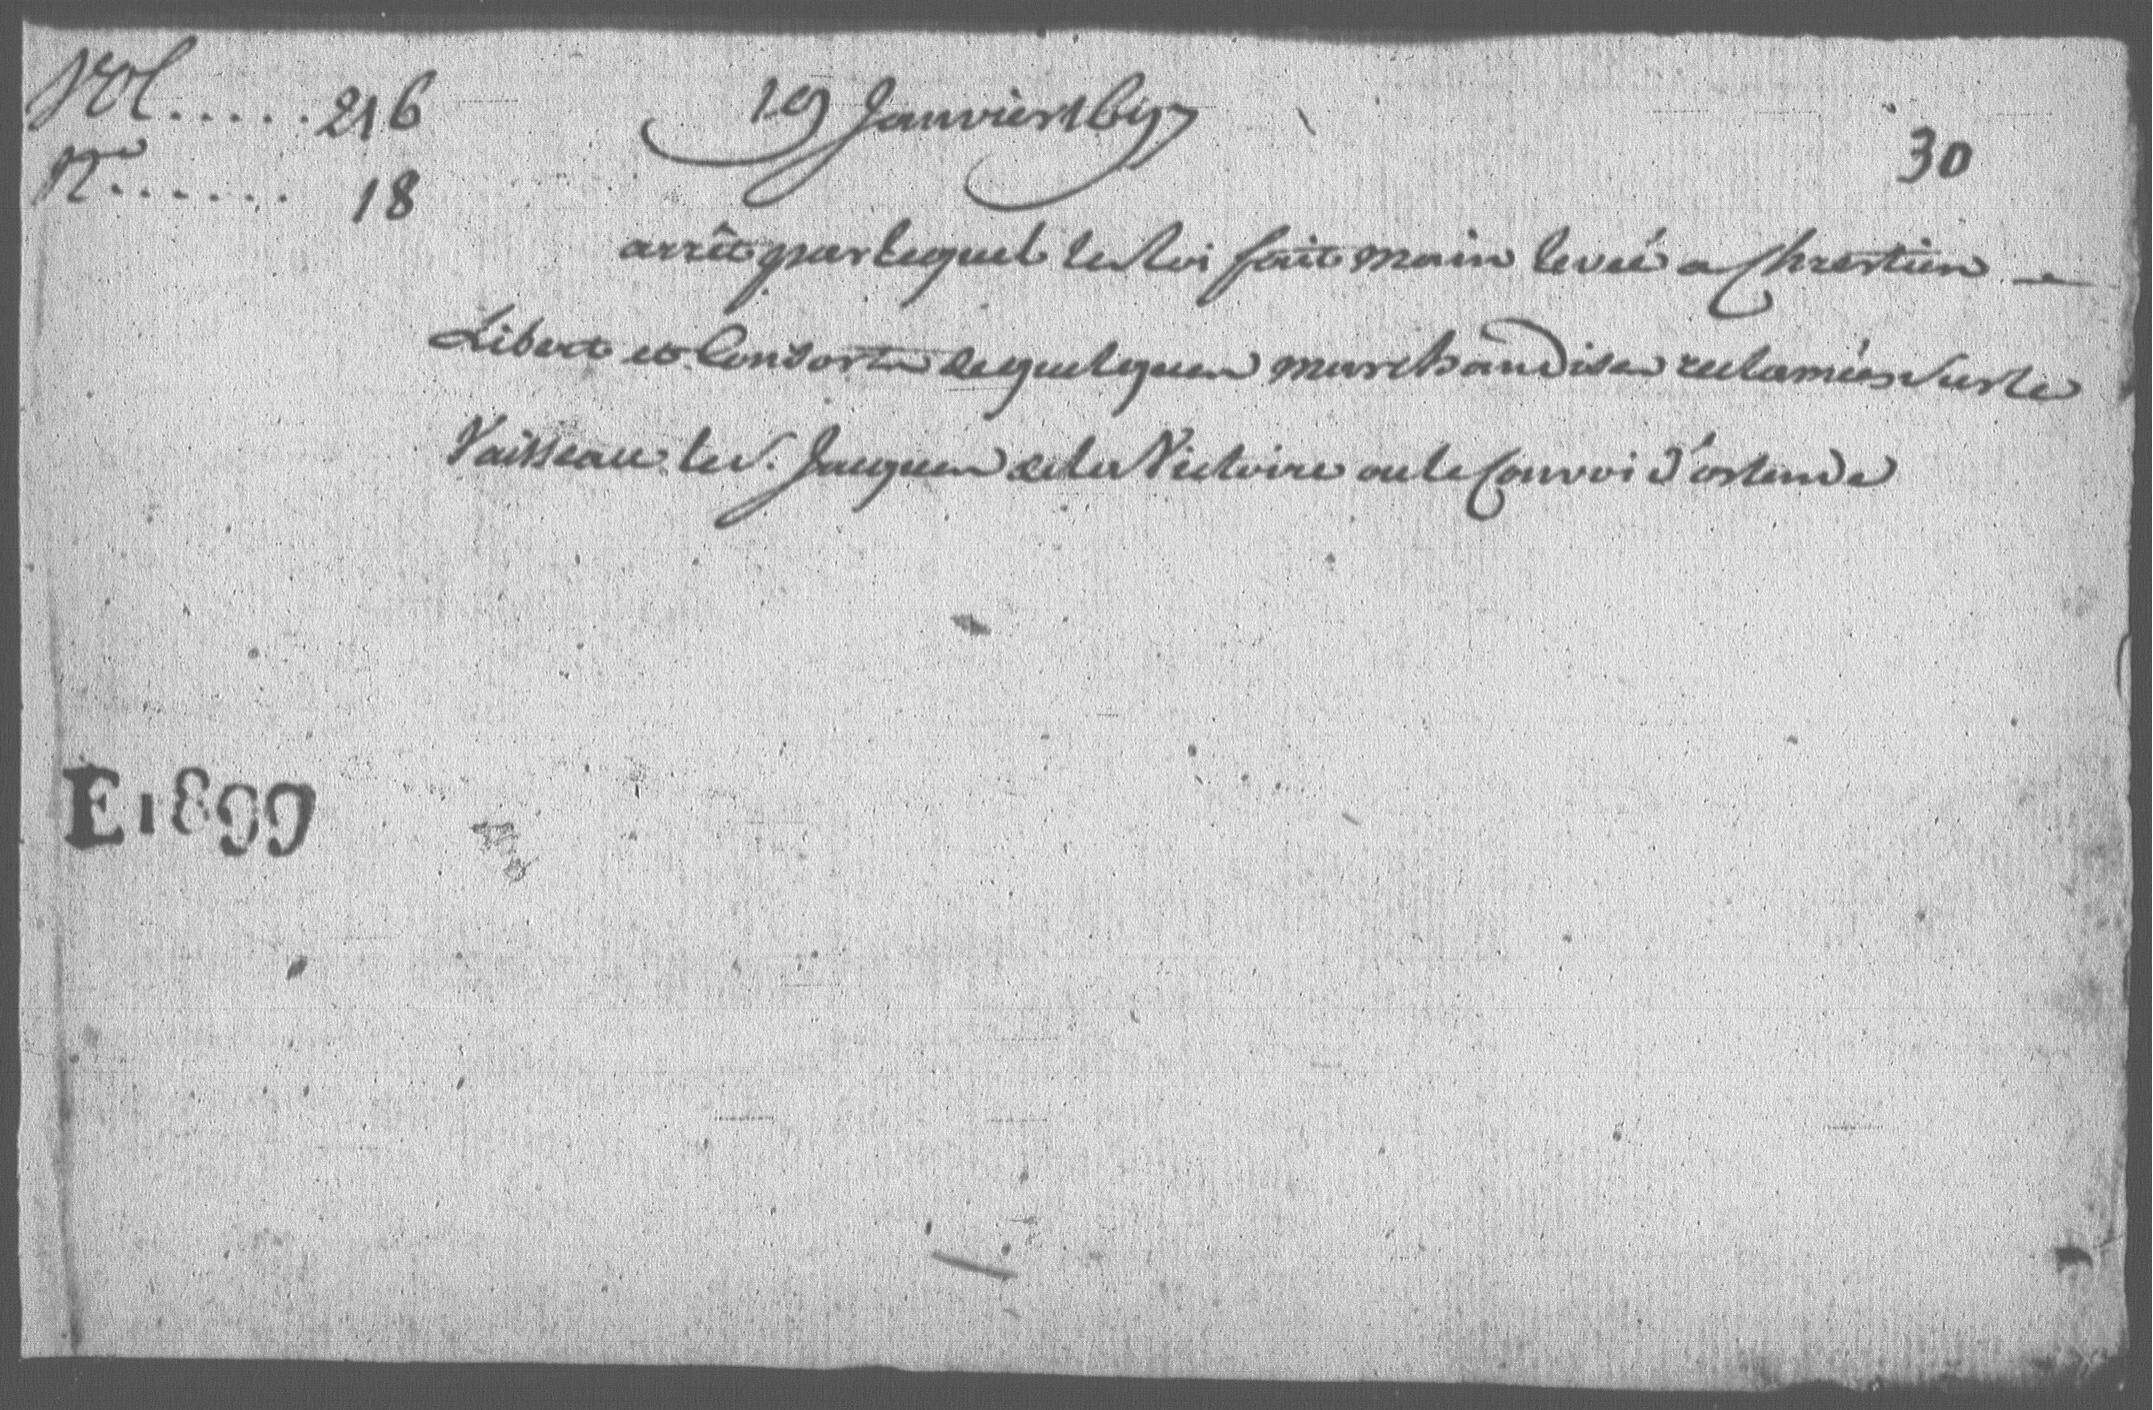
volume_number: n°18
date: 19 janvier 1697
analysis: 30
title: arrêt par lequel le Roi fait main levée a chrestien Libert et Consorts de quelques marchandises reclamées sur le Vaisseau le S. Jacques de la Victoire ou le Convoi d'ostende
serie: E
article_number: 1899
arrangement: vol. 216
